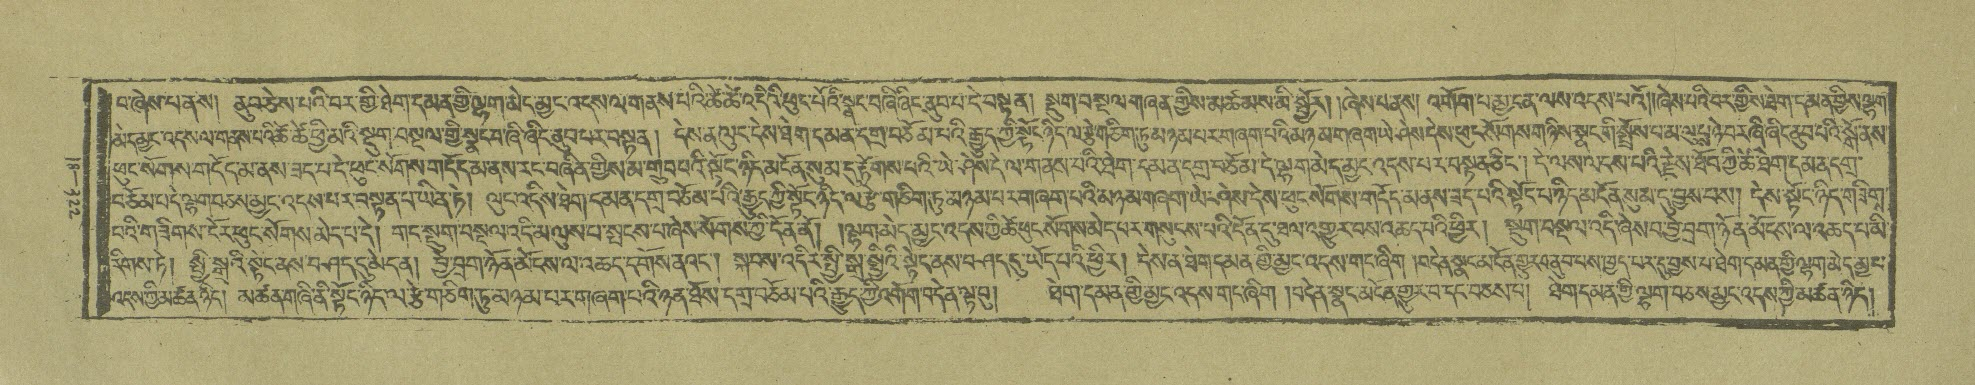བ་ཞེས་པ་ནས། ནུབ་ཅེས་པའི་བར་གྱི་ཐེག་དམན་གྱི་ལྷག་མེད་མྱང་འདས་ལ་གནས་པའི་ཚེ་ཚེ་འདིའི་ཕུང་པོའི་སྣང་བ་ཞི་ཞིང་ནུབ་པ་དེ་བསྟན། སྡུག་བསྔལ་གཞན་གྱིས་མཚམས་མི་སྦྱོར། །ཞེས་པ་ནས། འགོག་པ་མྱ་ངན་ལས་འདས་པའོ། །ཞེས་པའི་བར་གྱིས་ཐེག་དམན་གྱིས་ལྷག་
མེད་མྱང་འདས་ལ་གནས་པའི་ཚེ་ཚེ་ཕྱི་མའི་སྡུག་བསྔལ་གྱི་སྣང་བ་ཞི་ཞིང་ནུབ་པར་བསྟན། དེས་ན་ལུང་དེས་ཐེག་དམན་དགྲ་བཅོམ་པའི་རྒྱུད་ཀྱི་སྟོང་ཉིད་ལ་རྩེ་གཅིག་ཏུ་མཉམ་པར་གཞག་པའི་མཉམ་གཞག་ཡེ་ཤེས་དེས་ཕུང་སོགས་གཉིས་སྣང་གི་སྤྲོས་པ་མ་ལུས་པ་ཉེ་བར་ཞི་ཞིང་ནུབ་པའི་སྒོ་ནས་
ཕུང་སོགས་གདོད་མ་ནས་ཟད་པ་དེ་ཕུང་སོགས་གདོད་མ་ནས་རང་བཞིན་གྱིས་མ་གྲུབ་པའི་སྟོང་ཉིད་མངོན་སུམ་དུ་རྟོགས་པའི་ཡེ་ཤེས་དེ་ལ་གནས་པའི་ཐེག་དམན་དགྲ་བཅོམ་དེ་ལྷག་མེད་མྱང་འདས་པར་བསྟན་ཅིང་། དེ་ལས་ལངས་པའི་རྗེས་ཐོབ་ཀྱི་ཆེ་ཐེག་དམན་དགྲ་
བཅོམ་པ་དེ་ལྷག་བཅས་མྱང་འདས་པར་བསྟན་པ་ཡིན་ཏེ། ལུང་འདིས་ཐེག་དམན་དགྲ་བཅོམ་པའི་རྒྱུད་ཀྱི་སྟོང་ཉིད་ལ་རྩེ་གཅིག་ཏུ་མཉམ་པར་གཞག་པའི་མཉམ་གཞག་ཡེ་ཤེས་དེས་ཕུང་སོགས་གདོད་མ་ནས་ཟད་པའི་སྟོང་པ་ཉིད་མངོན་སུམ་དུ་བྱས་པས། དེས་སྟོང་ཉིད་གཟིགས་
པའི་གཟིགས་ངོར་ཕུང་སོགས་མེད་པ་དེ། གང་སྡུག་བསྔལ་འདི་མ་ལུས་པ་སྤངས་པ་ཞེས་སོགས་ཀྱི་དོན་ནོ། །ལྷག་མེད་མྱང་འདས་ཀྱི་ཚེ་ཕུང་སོགས་མེད་པར་གསུངས་པའི་དོན་དུ་ཐལ་འགྱུར་བས་འཆད་པའི་ཕྱིར། སྡུག་བསྔལ་འདི་ཞེས་བ་བྱེ་བྲག་ཉོན་མོངས་ལ་འཆད་པ་མི་
རིགས་ཏེ། སྤྱི་སྒྲའི་སྟེང་ནས་བཤད་དུ་མེད་ན། བྱེ་བྲག་ཉོན་མོངས་ལ་འཆད་དགོས་ནའང་། སྐབས་འདིར་སྤྱི་སྒྲ་སྤྱིའི་སྟེང་ནས་བཤད་དུ་ཡོད་པའི་ཕྱིར། དེས་ན་ཐེག་དམན་གྱི་མྱང་འདས་གང་ཞིག །བདེན་སྣང་མངོན་གྱུར་པ་ནུབ་པས་ཁྱད་པར་དུ་བྱས་པ་ཐེག་དམན་གྱི་ལྷག་མེད་མྱང་
འདས་ཀྱི་མཚན་ཉིད། མཚན་གཞི་ནི་སྟོང་ཉིད་ལ་རྩེ་གཅིག་ཏུ་མཉམ་པར་གཞག་པའི་ཉན་ཐོས་དགྲ་བཅོམ་པའི་རྒྱུད་ཀྱི་འགོག་བདེན་ལྟ་བུ། ཐེག་དམན་གྱི་མྱང་འདས་གང་ཞིག །བདེན་སྣང་མངོན་གྱུར་པ་དང་བཅས་པ། ཐེག་དམན་གྱི་ལྷག་བཅས་མྱང་འདས་ཀྱི་མཚན་ཉིད།